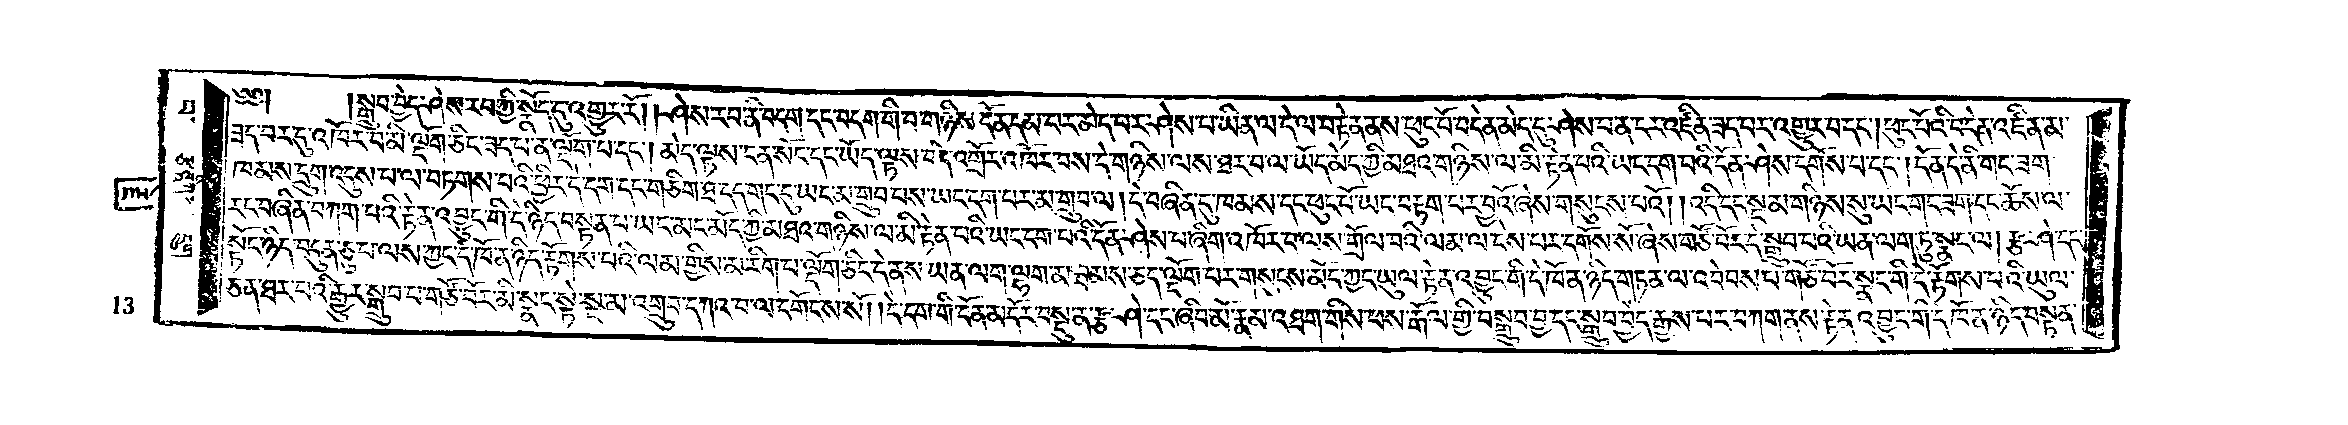༄༅། །སྒྲུབ་བྱེད་ཤེས་རབ་ཀྱི་སྣོད་དུ་འགྱུར་རོ། །ཤེས་རབ་ནི་བདག་དང་བདག་གི་བ་གཉིས་དོན་དམ་པར་མེད་པར་ཤེས་པ་ཡིན་ལ་དེ་ལ་བརྟེན་ནས་ཕུང་པོ་བདེན་མེད་དུ་ཤེས་པ་ན་དར་འཛིན་ཟད་པར་འགྱུར་བ་དང་། ཕུང་པོའི་བདེན་འཛིན་མ་
ཟད་བར་དུ་འཁོར་བ་མི་ལྡོག་ཅིང་ཟད་པ་ན་ལྡོག་པ་དང་། མེད་ལྟས་ངན་སོང་དང་ཡོད་ལྟས་བདེ་འགྲོར་འཁོར་བས་དེ་གཉིས་ལས་ཐར་བ་ལ་ཡོད་མེད་ཀྱི་མཐའ་གཉིས་ལ་མི་རྟེན་པའི་ཡང་དག་པའི་དོན་ཤེས་དགོས་པ་དང་། དོན་དེ་ནི་གང་ཟག་
ཁམས་དྲུག་འདུས་པ་ལ་བཏགས་པའི་ཕྱིར་དེ་དག་དང་གཅིག་ཐ་དད་གང་དུ་ཡང་མ་གྲུབ་པས་ཡང་དག་པར་མ་གྲུབ་ལ། དེ་བཞིན་དུ་ཁམས་དང་ཕུང་པོ་ཡང་བརྟག་པར་བྱའོ་ཞེས་གསུངས་པའོ། །འདི་དང་སྔ་མ་གཉིས་སུ་ཡང་གང་ཟག་དང་ཆོས་ལ་
རང་བཞིན་བཀག་པའི་རྟེན་འབྱུང་གི་དེ་ཉིད་བསྟན་པ་ཡང་མང་མོད་ཀྱི་མཐའ་གཉིས་ལ་མི་རྟེན་པའི་ཡང་དག་པའི་དོན་ཤེས་པ་ཞིག་འཁོར་བ་ལས་གྲོལ་བའི་ལམ། ལ་ངེས་པར་དགོས་སོ་ཞེས་གཙོ་བོར་དེ་སྒྲུབ་པའི་ཡན་ལག་ཏུ་སྣང་ལ། རྩ་ཤེ་དང་
སྟོང་ཉིད་བདུན་ཅུ་པ་ལས་ཀྱང་དེ་ཁོ་ན་ཉིད་རྟོགས་པའི་ལམ་གྱིས་མ་རིག་པ་ལྡོག་ཅིང་དེ་ནས་ཡན་ལག་ལྷག་མ་ཐམས་ཅད་ལྡོག་པར་གསུངས་མོད་ཀྱང་ཡུལ་རྟེན་འབྱུང་གི་དེ་ཁོ་ན་ཉིད་གཏན་ལ་འབེབས་པ་གཙོ་བོར་སྣང་གི་དེ་རྟོགས་པའི་ཡུལ་
ཅན་ཐར་པའི་རྒྱུར་སྒྲུབ་པ་གཙོ་བོར་མི་སྣང་སྟེ་སྔ་མ་འགྲུབ་དཀའ་བ་ལ་དགོངས་སོ། །དེ་དག་གི་དོན་མདོར་བསྡུ་ན་རྩ་ཤེ་དང་ཞིབ་མོ་རྣམ་འཐག་གིས་ཕས་རྒོལ་གྱི་བསྒྲུབ་བྱ་དང་སྒྲུབ་བྱེད་རྒྱས་པར་བཀག་ནས་རྟེན་འབྱུང་གི་དེ་ཁོ་ན་ཉིད་བསྟན་